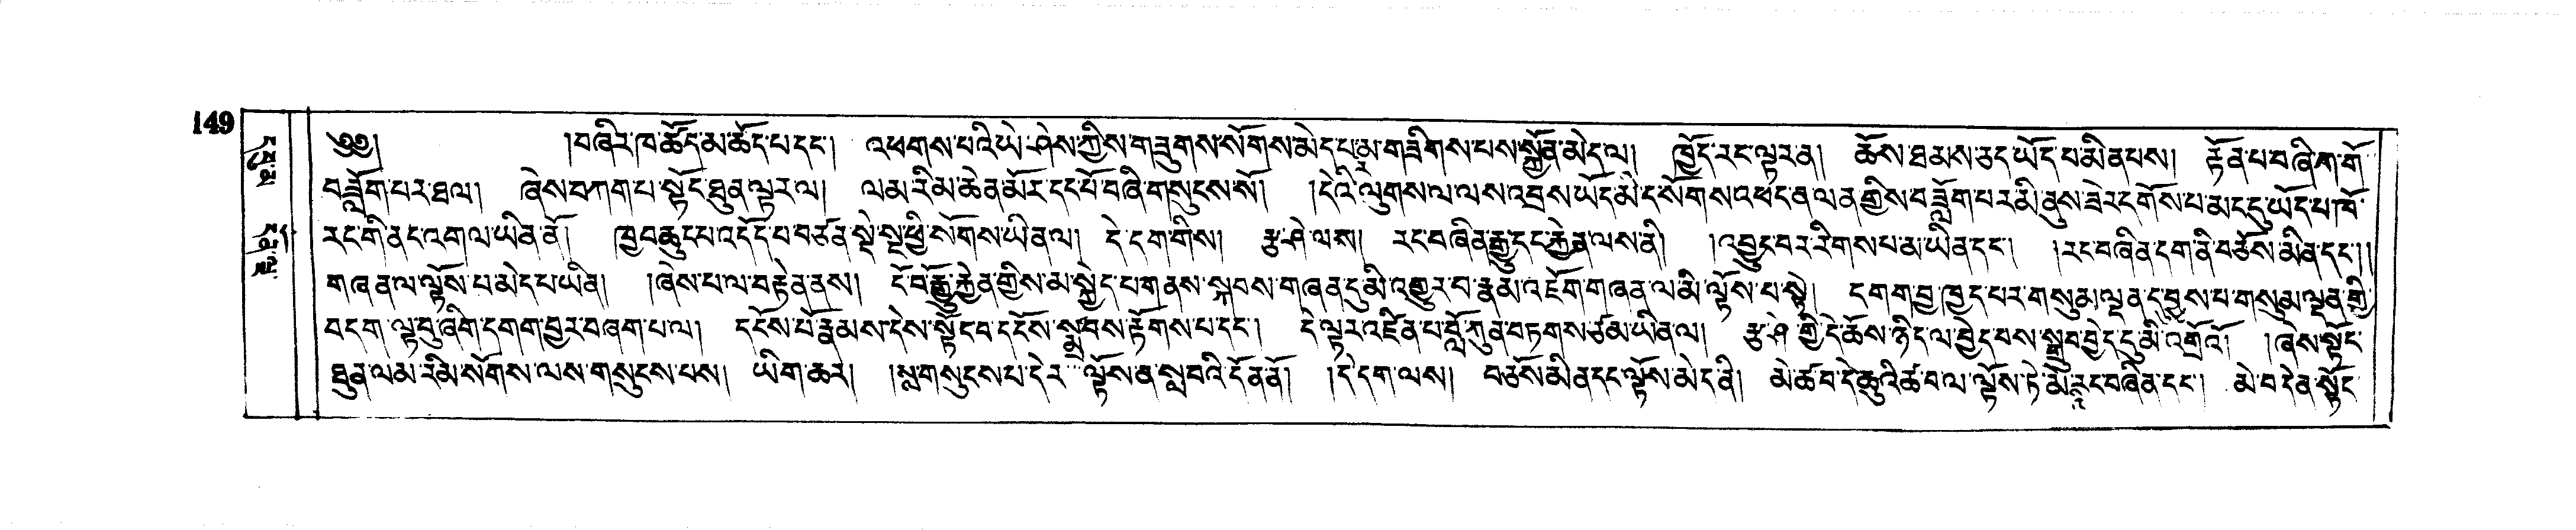༄༅། །བཞིར་ཁ་ཚོད་མ་ཆོད་པ་དང་། འཕགས་པའི་ཡེ་ཤེས་ཀྱིས་གཟུགས་སོགས་མེད་པར་མ་གཟིགས་པས་སྐྱོན་མེད་ལ། ཁྱོད་རང་ལྟར་ན། ཆོས་ཐམས་ཅད་ཡོད་པ་མིན་པས། རྟོན་པ་བཞི་ཀ་གོ་
བཟློག་པར་ཐལ། ཞེས་བཀག་པ་སྟོང་ཐུན་ལྟར་ལ། ལམ་རིམ་ཆེན་མོར་དང་པོ་བཞི་གསུངས་སོ། །དེའི་ལུགས་ལ་ལས་འབྲས་ཡོད་མི་ད་སོགས་འཕང་ན་ལན་གྱིས་བཟློག་པར་མི་ནུས་ཟེར་དགོས་པ་མང་དུ་ཡོད་པ་ཁོ་
རང་གི་ནང་འགལ་ཡིན་ནོ། ཁྱབ་ཆུང་པ་འདོད་པ་བཙན་སྡེ་སྔ་ཕྱི་སོགས་ཡིན་ལ། དེ་དག་གིས། རྩ་ཤེ་ལས། རང་བཞིན་རྒྱུ་དང་རྐྱེན་ལས་ནི། །འབྱུང་བར་རིགས་པ་མ་ཡིན་དང་། །རང་བཞིན་དག་ནི་བཅོས་མིན་དང་། །
གཞན་ལ་ལྟོས་པ་མེད་པ་ཡིན། །ཞེས་པ་ལ་བརྟེན་ནས། ངོ་བོ་རྒྱུ་རྐྱེན་གྱིས་མ་སྐྱེད་པ་གནས་སྐབས་གཞན་དུ་མི་འགྱུར་བ་རྣམ་འཇོག་གཞན་ལ་མི་ལྟོས་པ་སྟེ། དགག་བྱ་ཁྱད་པར་གསུམ་ལྡན་དུ་བྱས་པ་གསུམ་ལྡན་གྱི་
བདག་ལྟ་བུ་ཞིག་དགག་བྱར་བཞག་པ་ལ། དངོས་པོ་རྣམས་དེས་སྟོང་པ་དངོས་སྨྲ་བས་རྟོགས་པ་དང་། དེ་ལྟར་འཛིན་པ་བློ་ཀུན་བཏགས་ཙམ་ཡིན་ལ། རྩ་ཤེ་གྱི་དེ་ཆོས་ཉིད་ལ་བྱེད་པས་སྒྲུབ་བྱེད་དུ་མི་འགྲོའོ། །ཞེས་སྟོང་
ཐུན་ལམ་རིམ་སོགས་ལས་གསུངས་པས། ཡིག་ཆར། །སླ་གསུངས་པ་དེར་ལྟོས་ན་སླ་བའི་དོན་ནོ། །དེ་དག་ལས། བཅོས་མིན་དང་ལྟོས་མེད་ནི། མེ་ཚ་བ་དེ་ཆུའི་ཚ་བ་ལ་ལྟོས་ཏེ་མེའི་རང་བཞིན་དང་། མེ་བདེན་སྟོང་